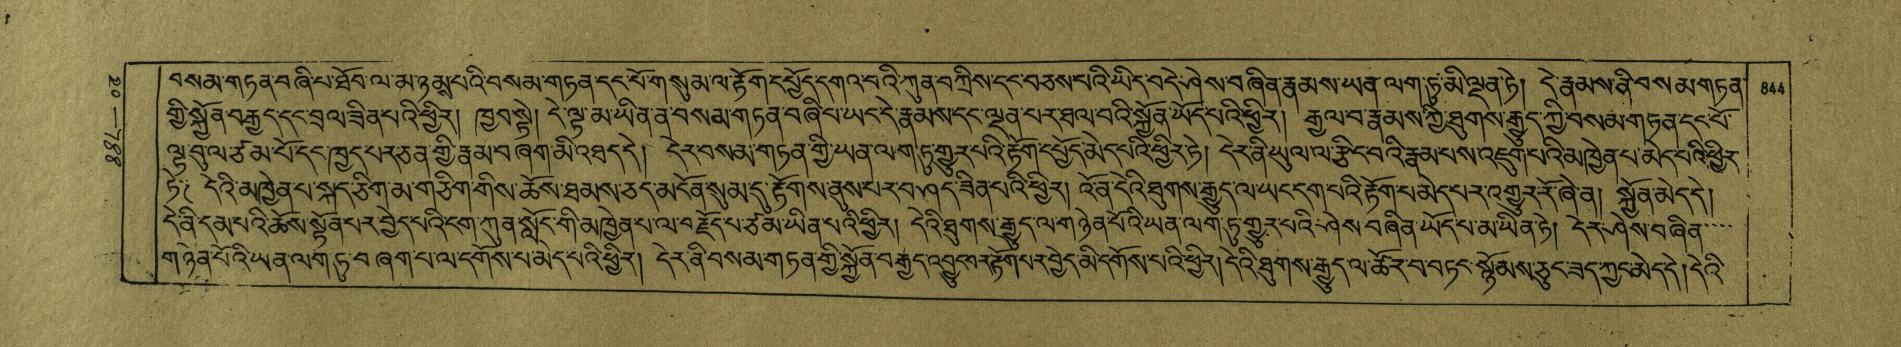བསམ་གཏན་བཞི་པ་ཐོབ་ལ་མ་ཉམས་པའི་བསམ་གཏན་དང་པོ་གསུམ་ལ་རྟོག་དཔྱོད་དགའ་བའི་ཀུན་བཀྲིས་དང་བཅས་པའི་ཡིད་བདེ་ཤེས་བཞིན་རྣམས་ཡན་ལག་ཏུ་མི་ལྡན་ཏེ། དེ་རྣམས་ནི་བསམ་གཏན་
གྱི་སྐྱོན་བརྒྱད་དང་བྲལ་ཟིན་པའི་ཕྱིར། ཁྱབ་སྟེ། དེ་ལྟ་མ་ཡིན་ན་བསམ་གཏན་བཞི་པ་ཡང་དེ་རྣམས་དང་ལྡན་པར་ཐལ་བའི་སྐྱོན་ཡོད་པའི་ཕྱིར། རྒྱལ་བ་རྣམས་ཀྱི་ཐུགས་རྒྱུད་ཀྱི་བསམ་གཏན་དང་པོ་
ལྟ་བུ་ལ་ཙམ་པོ་དང་ཁྱད་པར་ཅན་གྱི་རྣམ་བཞག་མི་འཐད་དེ། དེར་བསམ་གཏན་གྱི་ཡན་ལག་ཏུ་གྱུར་པའི་རྟོག་དཔྱོད་མེད་པའི་ཕྱིར་ཏེ། དེར་ནི་ཡུལ་ལ་རྩིད་བའི་རྣམ་པས་འཇུག་པའི་མཁྱེན་པ་མེད་པའི་ཕྱིར་
ཏེ༑ དེའི་མཁྱེན་པ་སྐད་ཅིག་མ་གཅིག་གིས་ཆོས་ཐམས་ཅད་མངོན་སུམ་དུ་རྟོགས་ནུས་པར་བཤད་ཟིན་པའི་ཕྱིར། འོ་ན་དེའི་ཐུགས་རྒྱུད་ལ་ཡང་དག་པའི་རྟོགས་པ་མེད་པར་འགྱུར་རོ་ཞེ་ན། སྐྱོན་མེད་དེ།
དེ་ནི་དམ་པའི་ཆོས་སྟོན་པར་བྱེད་པའི་ངག་ཀུན་སློང་གི་མཁྱེན་པ་ལ་བརྗོད་པ་ཙམ་ཡིན་པའི་ཕྱིར། དེའི་ཐུགས་རྒྱུད་ལ་གཉེན་པོའི་ཡན་ལག་ཏུ་གྱུར་པའི་ཤེས་བཞིན་ཡོད་པ་མ་ཡིན་ཏེ། དེར་ཤེས་བཞིན་
གཉེན་པོའི་ཡན་ལག་ཏུ་བཞག་པ་ལ་དགོས་པ་མེད་པའི་ཕྱིར། དེར་ནི་བསམ་གཏན་གྱི་སྐྱོན་བརྒྱད་འབྱུང་བར་རྟོག་པར་བྱེད་མི་དགོས་པའི་ཕྱིར། དེའི་ཐུགས་རྒྱུད་ལ་ཚོར་བ་བཏང་སྙོམས་ཅུང་ཟད་ཀྱང་མེད་དེ། དེའི་